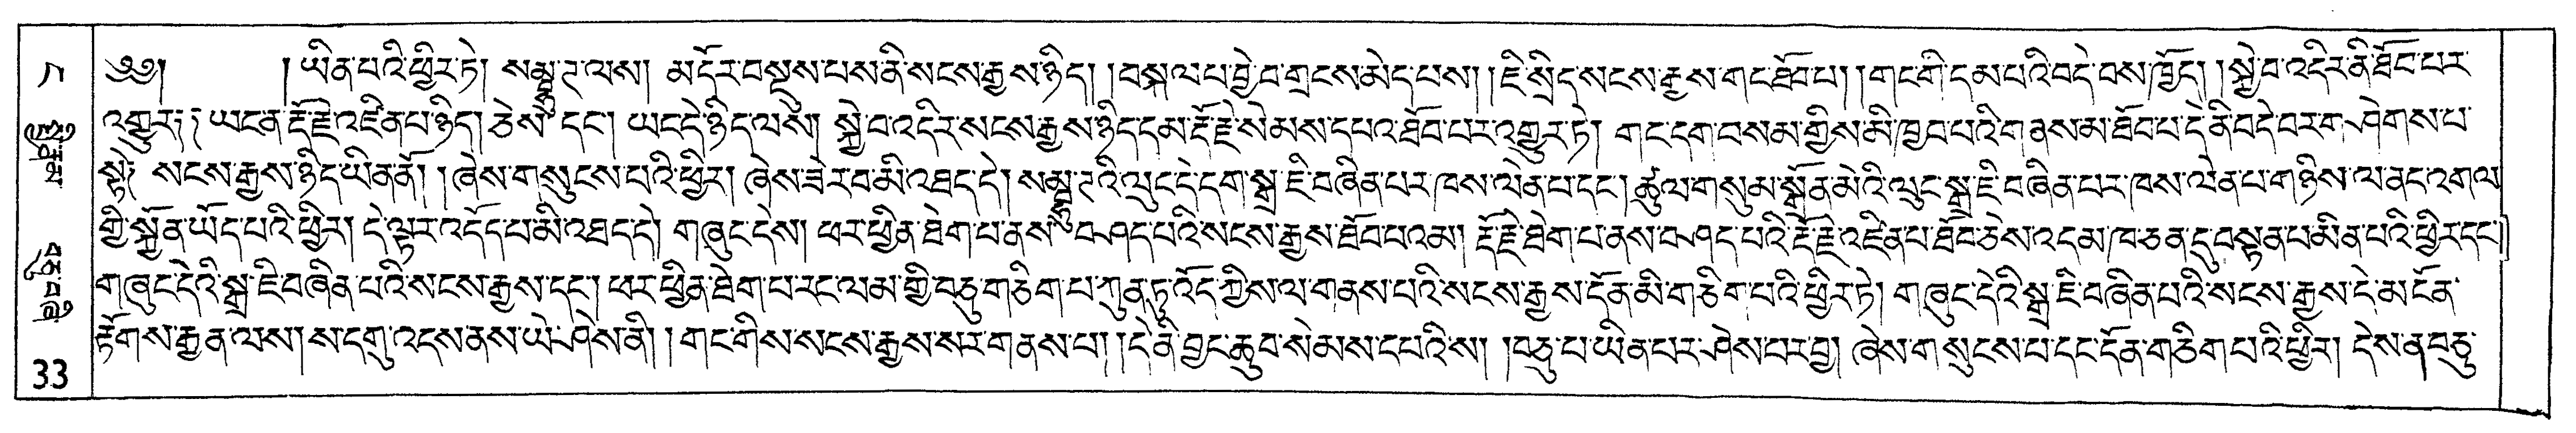༄༅། །ཡིན་པའི་ཕྱིར་ཏེ། སམྦྷུ་ཊ་ལས། མདོར་བསྡུས་པས་ནི་སངས་རྒྱས་ཉིད། །བསྐལ་པ་བྱེ་བ་གྲངས་མེད་པས། །ཇི་སྲིད་སངས་རྒྱས་གང་ཐོབ་པ། །གང་གི་དམ་པའི་བདེ་བས་ཁྱོད། །སྐྱེ་བ་འདིར་ནི་ཐོབ་པར་
འགྱུར། །ཡང་ན་རྡོ་རྗེ་འཛིན་པ་ཉིད། ཅེས་དང་། ཡང་དེ་ཉིད་ལས། སྐྱེ་བ་འདིར་སངས་རྒྱས་ཉིད་དམ་རྡོ་རྗེ་སེམས་དཔའ་ཐོབ་པར་འགྱུར་ཏེ། གང་དག་བསམ་གྱིས་མི་ཁྱབ་པའི་གནས་མ་ཐོབ་པ་དེ་ནི་བདེ་བར་གཤེགས་པ་
སྟེ། སངས་རྒྱས་ཉིད་ཡིན་ནོ། །ཞེས་གསུངས་པའི་ཕྱིར། ཞེས་ཟེར་བ་མི་འཐད་དེ། སམྦྷུ་ཊའི་ལུང་དེ་དག་སྒྲ་ཇི་བཞིན་པར་ཁས་ལེན་པ་དང་། ཚུལ་གསུམ་སྒྲོན་མེའི་ལུང་སྒྲ་ཇི་བཞིན་པར་ཁས་ལེན་པ་གཉིས་ལ་ནང་འགལ་
གྱི་སྐྱོན་ཡོད་པའི་ཕྱིར། དེ་ལྟར་འདོད་པ་མི་འཐད་དེ། གཞུང་དེས། ཕར་ཕྱིན་ཐེག་པ་ནས་བཤད་པའི་སངས་རྒྱས་ཐོབ་པའམ། རྡོ་རྗེ་ཐེག་པ་ནས་བཤད་པའི་རྡོ་རྗེ་འཛིན་པ་ཐོབ་ཅེས་འདམ་ཁ་ཅན་དུ་བསྟན་པ་མིན་པའི་ཕྱིར་དང་།
གཞུང་དེའི་སྒྲ་ཇི་བཞིན་པའི་སངས་རྒྱས་དང་། ཕར་ཕྱིན་ཐེག་པ་རང་ལམ་གྱི་བཅུ་གཅིག་པ་ཀུན་ཏུ་འོད་ཀྱིས་ལ་གནས་པའི་སངས་རྒྱས་དོན་མི་གཅིག་པའི་ཕྱིར་ཏེ། གཞུང་དེའི་སྒྲ་ཇི་བཞིན་པའི་སངས་རྒྱས་དེ་མངོན་
རྟོགས་རྒྱན་ལས། ས་དགུ་འདས་ནས་ཡེ་ཤེས་ནི། །གང་གིས་སངས་རྒྱས་སར་གནས་པ། །དེ་ནི་བྱང་ཆུབ་སེམས་དཔའི་ས། །བཅུ་པ་ཡིན་པར་ཤེས་པར་བྱ། ཞེས་གསུངས་པ་དང་དོན་གཅིག་པའི་ཕྱིར། དེས་ན་བཅུ་